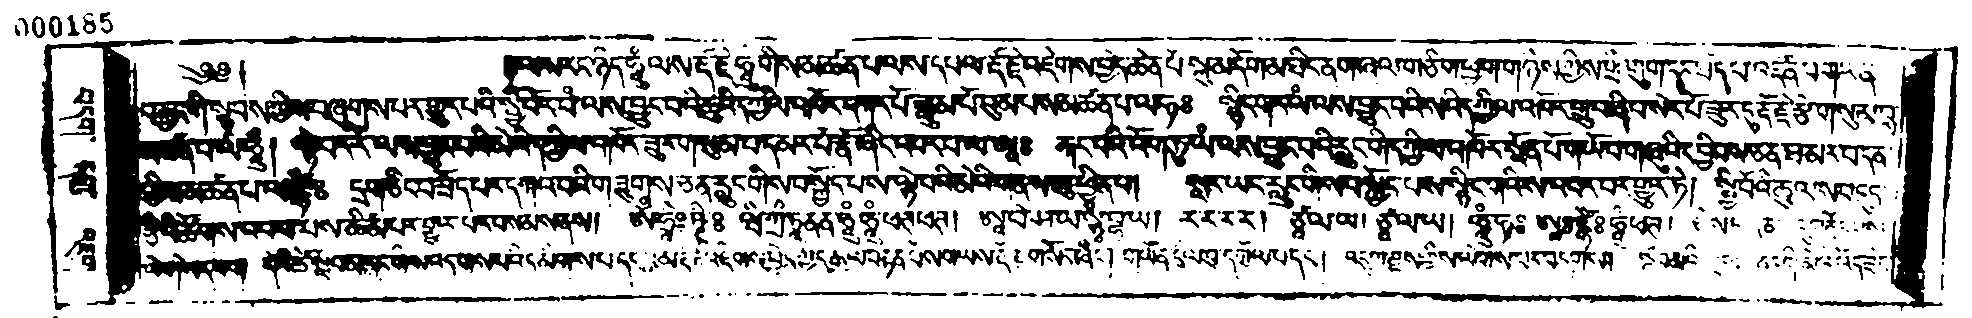༄༅། །ལས་རང་ཉིད་ཧཱུཾ་ལས་རྡོ་རྗེ་ཧཱུཾ་གིས་མཚན་པ་ལས་དཔལ་རྡོ་རྗེ་འཇིགས་བྱེད་ཆེན་པོ་སྐུ་མདོག་མཐིང་ནག་ཞལ་གཅིག་ཕྱག་གཉིས་ཀྱིས་གྲི་གུག་དང་ཐོད་པ་འཛིན་པ་གཡོན་
བརྐྱང་གི་སྟབས་ཀྱིས་བཞུགས་པར་གྱུར་པའི་སྤྱི་བོར་བཾ་ལས་བྱུང་བའི་ཆུའི་དཀྱིལ་འཁོར་དཀར་པོ་ཟླུམ་པོ་བུམ་པས་མཚན་པ་ལ་ཧཿ སྙིང་གར་ལཾ་ལས་བྱུང་བའི་སའི་དཀྱིལ་འཁོར་གྲུབ་བཞི་བ་སེར་པོ་ཟུར་དུ་རྡོ་རྗེ་རྩེ་གསུམ་བས་
མཚན་པ་ལ་ཧཱུཾ། ལྟེ་བར་རཾ་ལས་བྱུང་བའི་མེའི་དཀྱིལ་འཁོར་ཟུར་གསུམ་པ་དམར་པོ་རྣོ་ཞིང་འབར་པ་ལ་ཨཱཿ རྐང་བའི་འོག་ཏུ་ཡཾ་ལས་བྱུང་བའི་རླུང་གི་དཀྱིལ་འཁོར་སྔོན་པོ་གཡོ་བ་གཞུའི་དབྱིབས་ཅན་ཐ་མར་བ་དན་
གྱིས་མཚན་པ་ལ་ཛྷཻཿ དྲག་ཅིང་བཟོད་པར་དཀའ་བའི་གཟུགས་ཅན་རླུང་གིས་བསྐྱོད་པས་ལྟེ་བའི་མེའི་གནས་སུ་ཕྱིན་པ། སླར་ཡང་རླུང་གིས་བསྐྱོད་པས་སྙིང་གའི་ས་འབར་བར་གྱུར་ཏེ། སྤྱི་བོའི་ཆུ་ལས་བདུད་
རྩིའི་ཚོགས་འབབ་པས་ཚིམ་པར་གྱུར་པར་བསམས་ནས། ཨོཾ་ཧྲཱིཿ ཥྚཱིཿ ཝི་ཀྲྀ་ཏཱ་ན་ན་ཧཱུཾ་ཧཱུཾ་ཕཊ་ཕཊ། ཨཱ་བེ་ཤ་ཡ་སྟྭཾ་བྷ་ཡ། ར་ར་ར་ར། ཙཱ་ལ་ཡ། ཙཱ་ལ་ཡ། ཧཱུཾ་ཧཿ ཨཱཿ ཛྷཻཿ ཧཱུཾ་ཕཊ། ཅེས་ལན་མང་དུ་བརྗོད་པས་
ཡེ་ཤེས་དབབ། དེའི་ཚེ་སློབ་མ་རླུང་གིས་འདེགས་པའི་དམིགས་པ་དང་བླ་མ་རྡོ་རྗེ་འཇིགས་བྱེད་ཀྱི་ང་རྒྱལ་བརྟན་པོས་གཡས་རྡོ་རྗེ་གསོང་ཞིང་། གཡོན་དྲིལ་བུ་དཀྲོལ་པ་དང་། བདུག་རྫས་ཀྱིས་ལེགས་པར་བདུགས། སློབ་མའི་ལུས་ཀྱི་ནང་གི་མེའི་འོད་ཟེར་